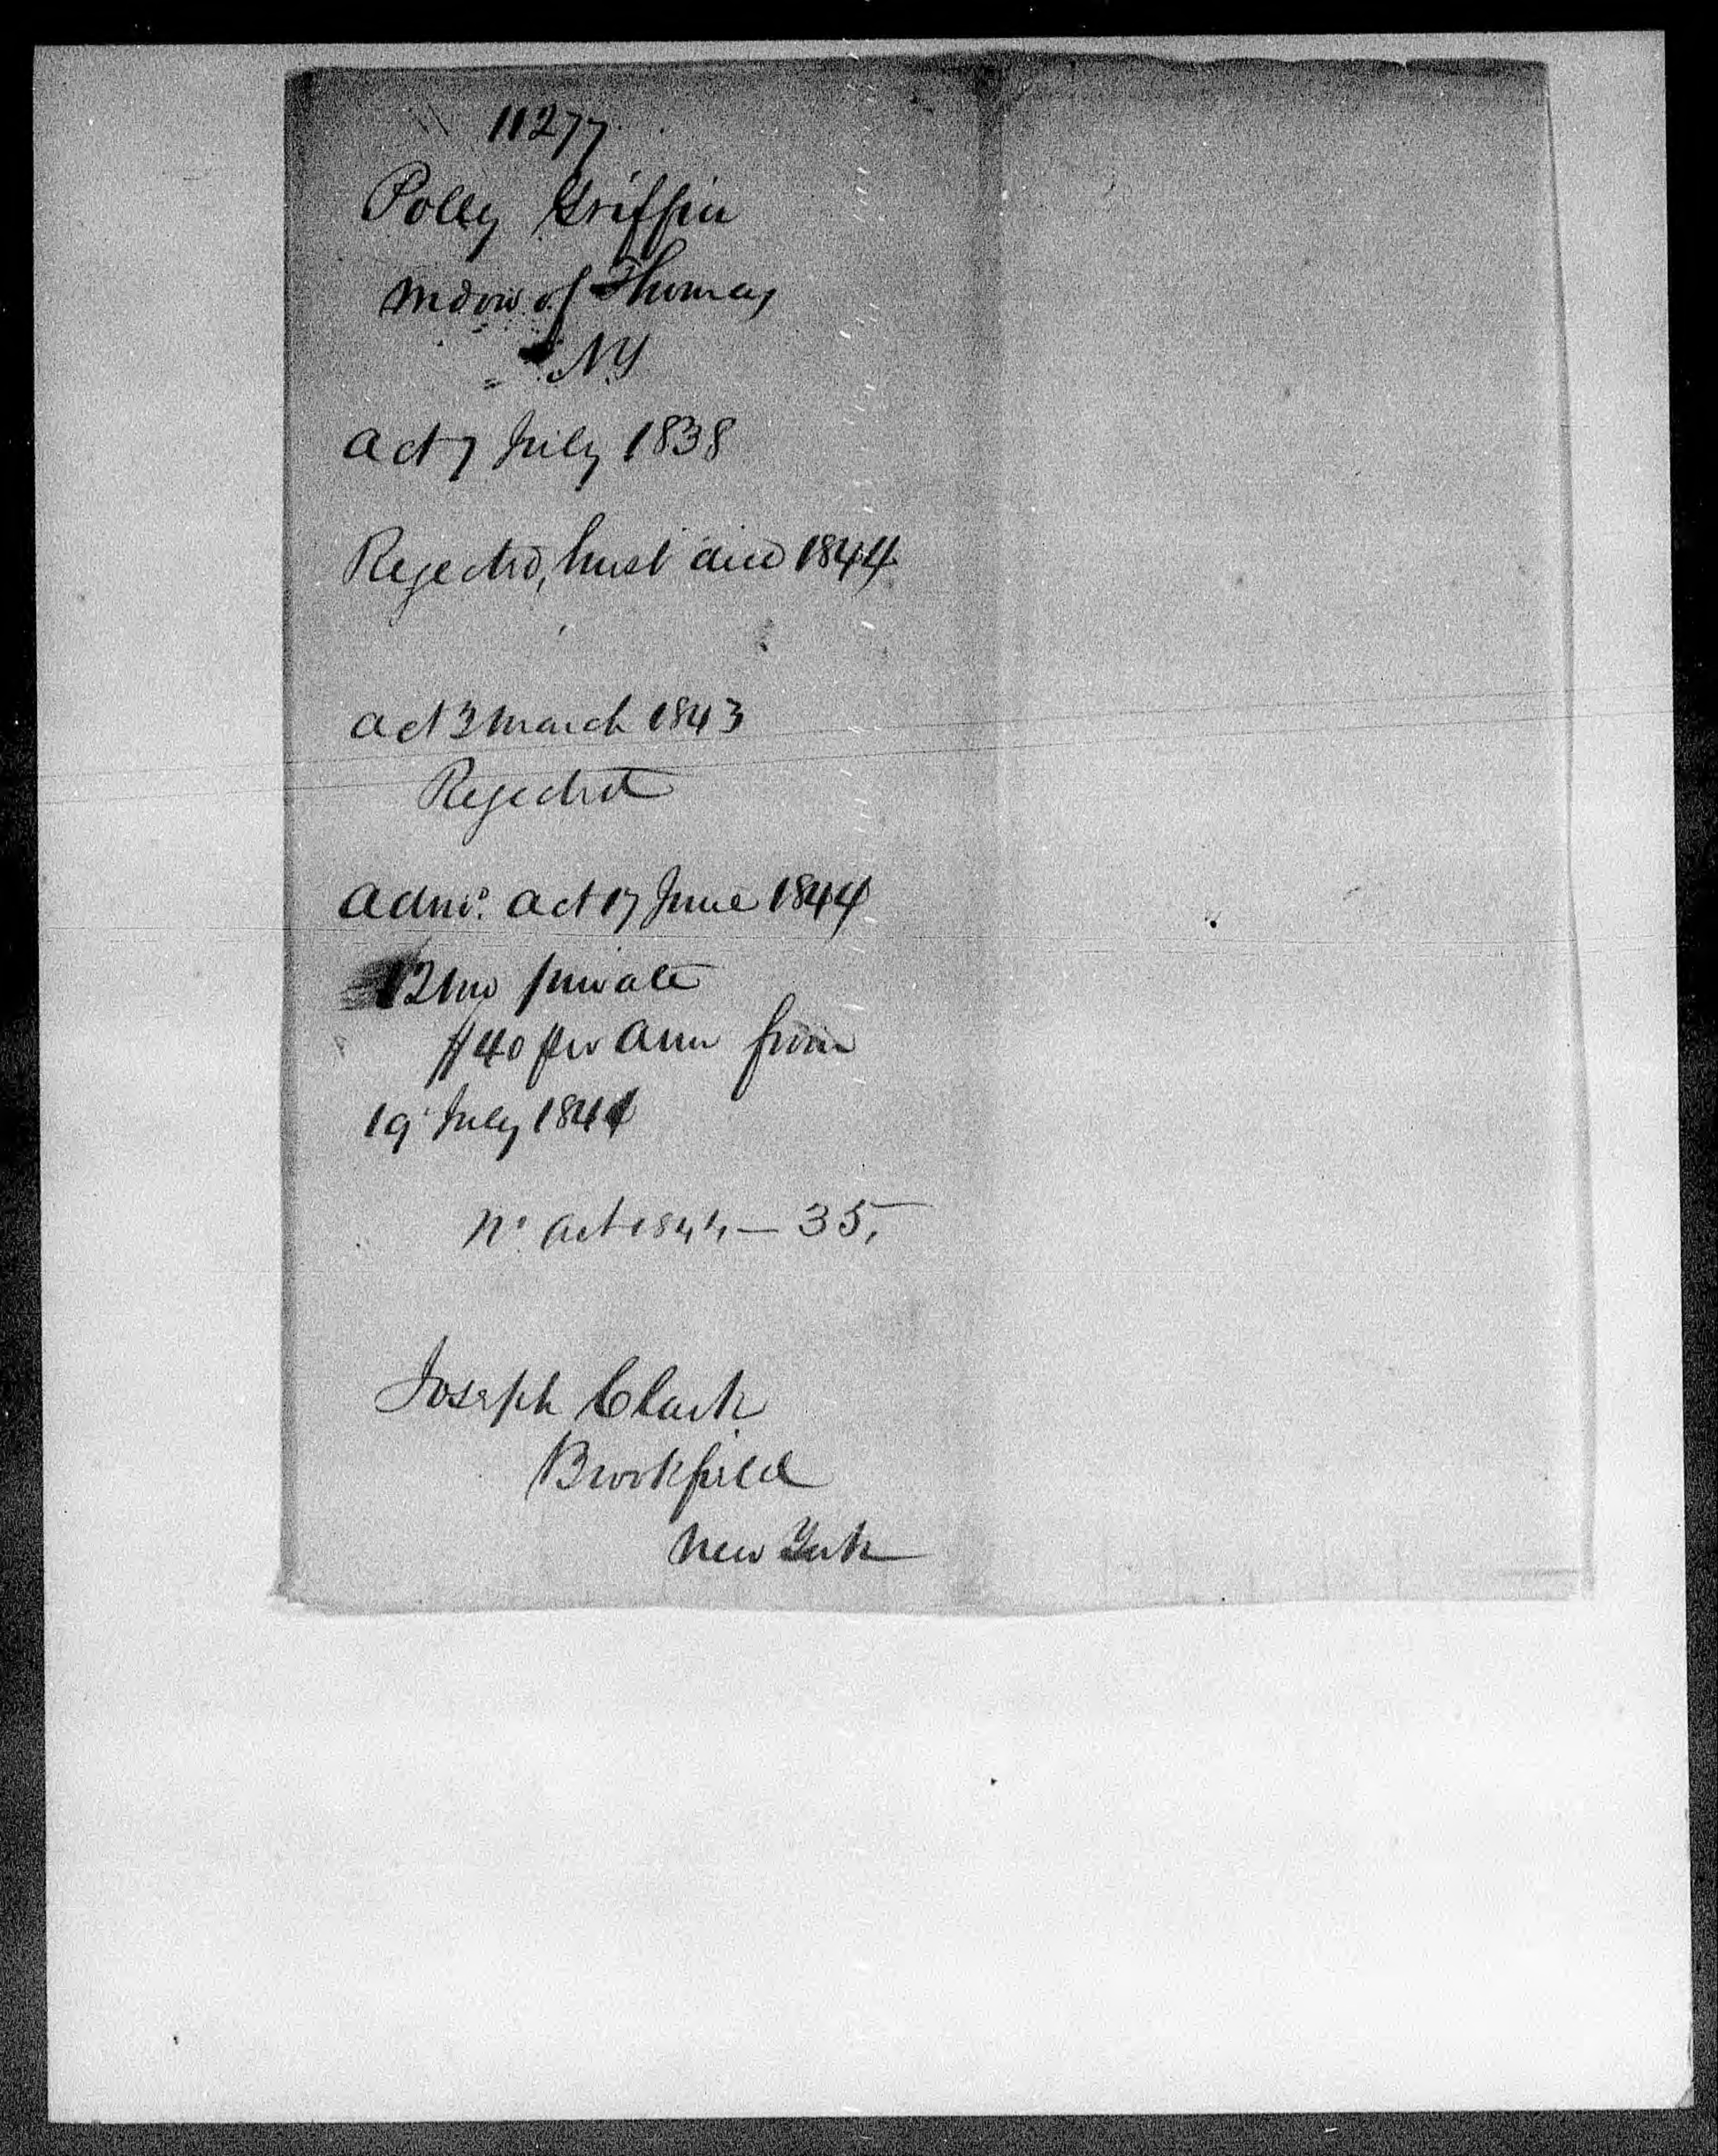11277
Polly Griffin
widow of Thomas
NY
Act 7 July 1838
Rejected, husb died 1844
Act 3 March 1843
Rejected
Admd. act 17 June 1844
12 mo private
$40 per anm from
19 July 1844
No. Act 1844 — 35,
Joseph Clark Brookfield New York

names: Joseph Clark, Thomas Griffin, Polly Griffin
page: 29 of 60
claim: widow's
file: W. 19,537, Thomas Griffin, Conn.